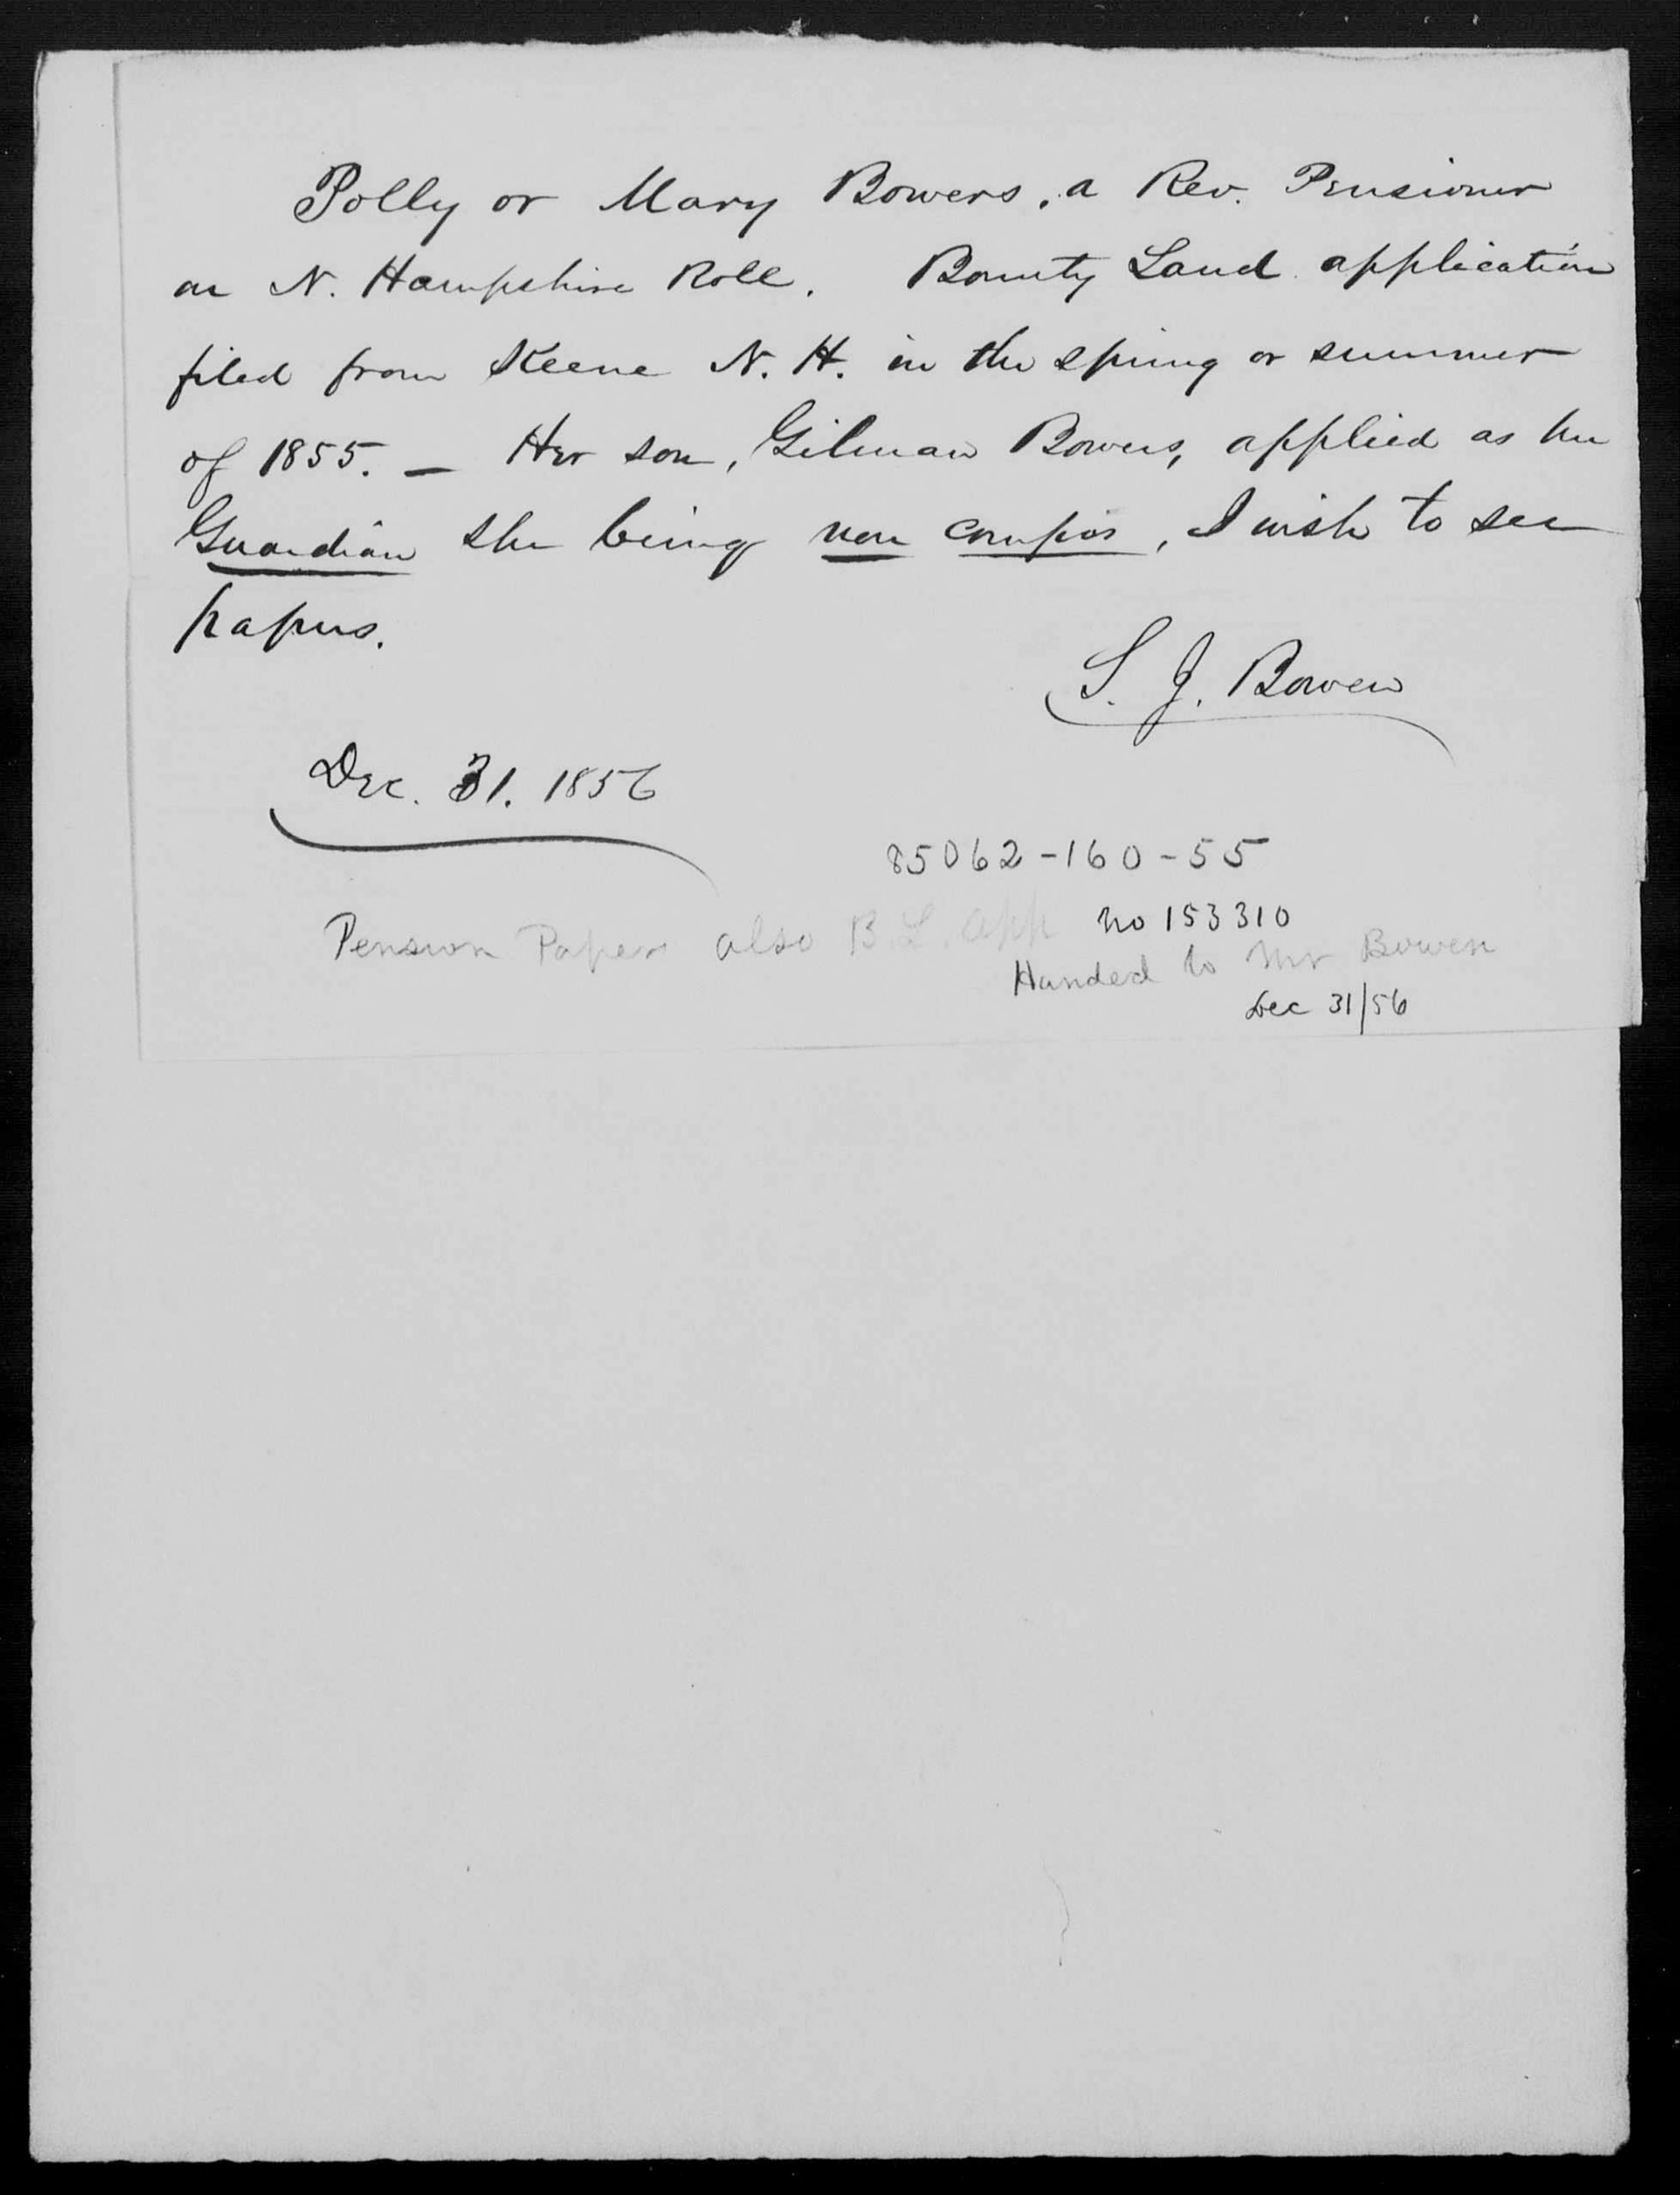Polly or Mary Bowers, a Rev. Pensioner
in N. Hampshire Roll. Bounty Land application
filed from Keene N.H. in the spring or summer
of 1855- Her son, Gilman Bowers, applied as her
Guardian, she being now [illegible], I wish to see
papers,
S. J. Bowers
Dec. 31. 1856
85062 -160-55
Pension Paper also B S. App No 153310
Handed to Mr Bower
Dec 31/ 56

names: Bowen, Gilman Bowers, Mary Bowers, S J Bowen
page: 21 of 42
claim: widow's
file: W. 23,652, Nehemiah Bowers, Mass.